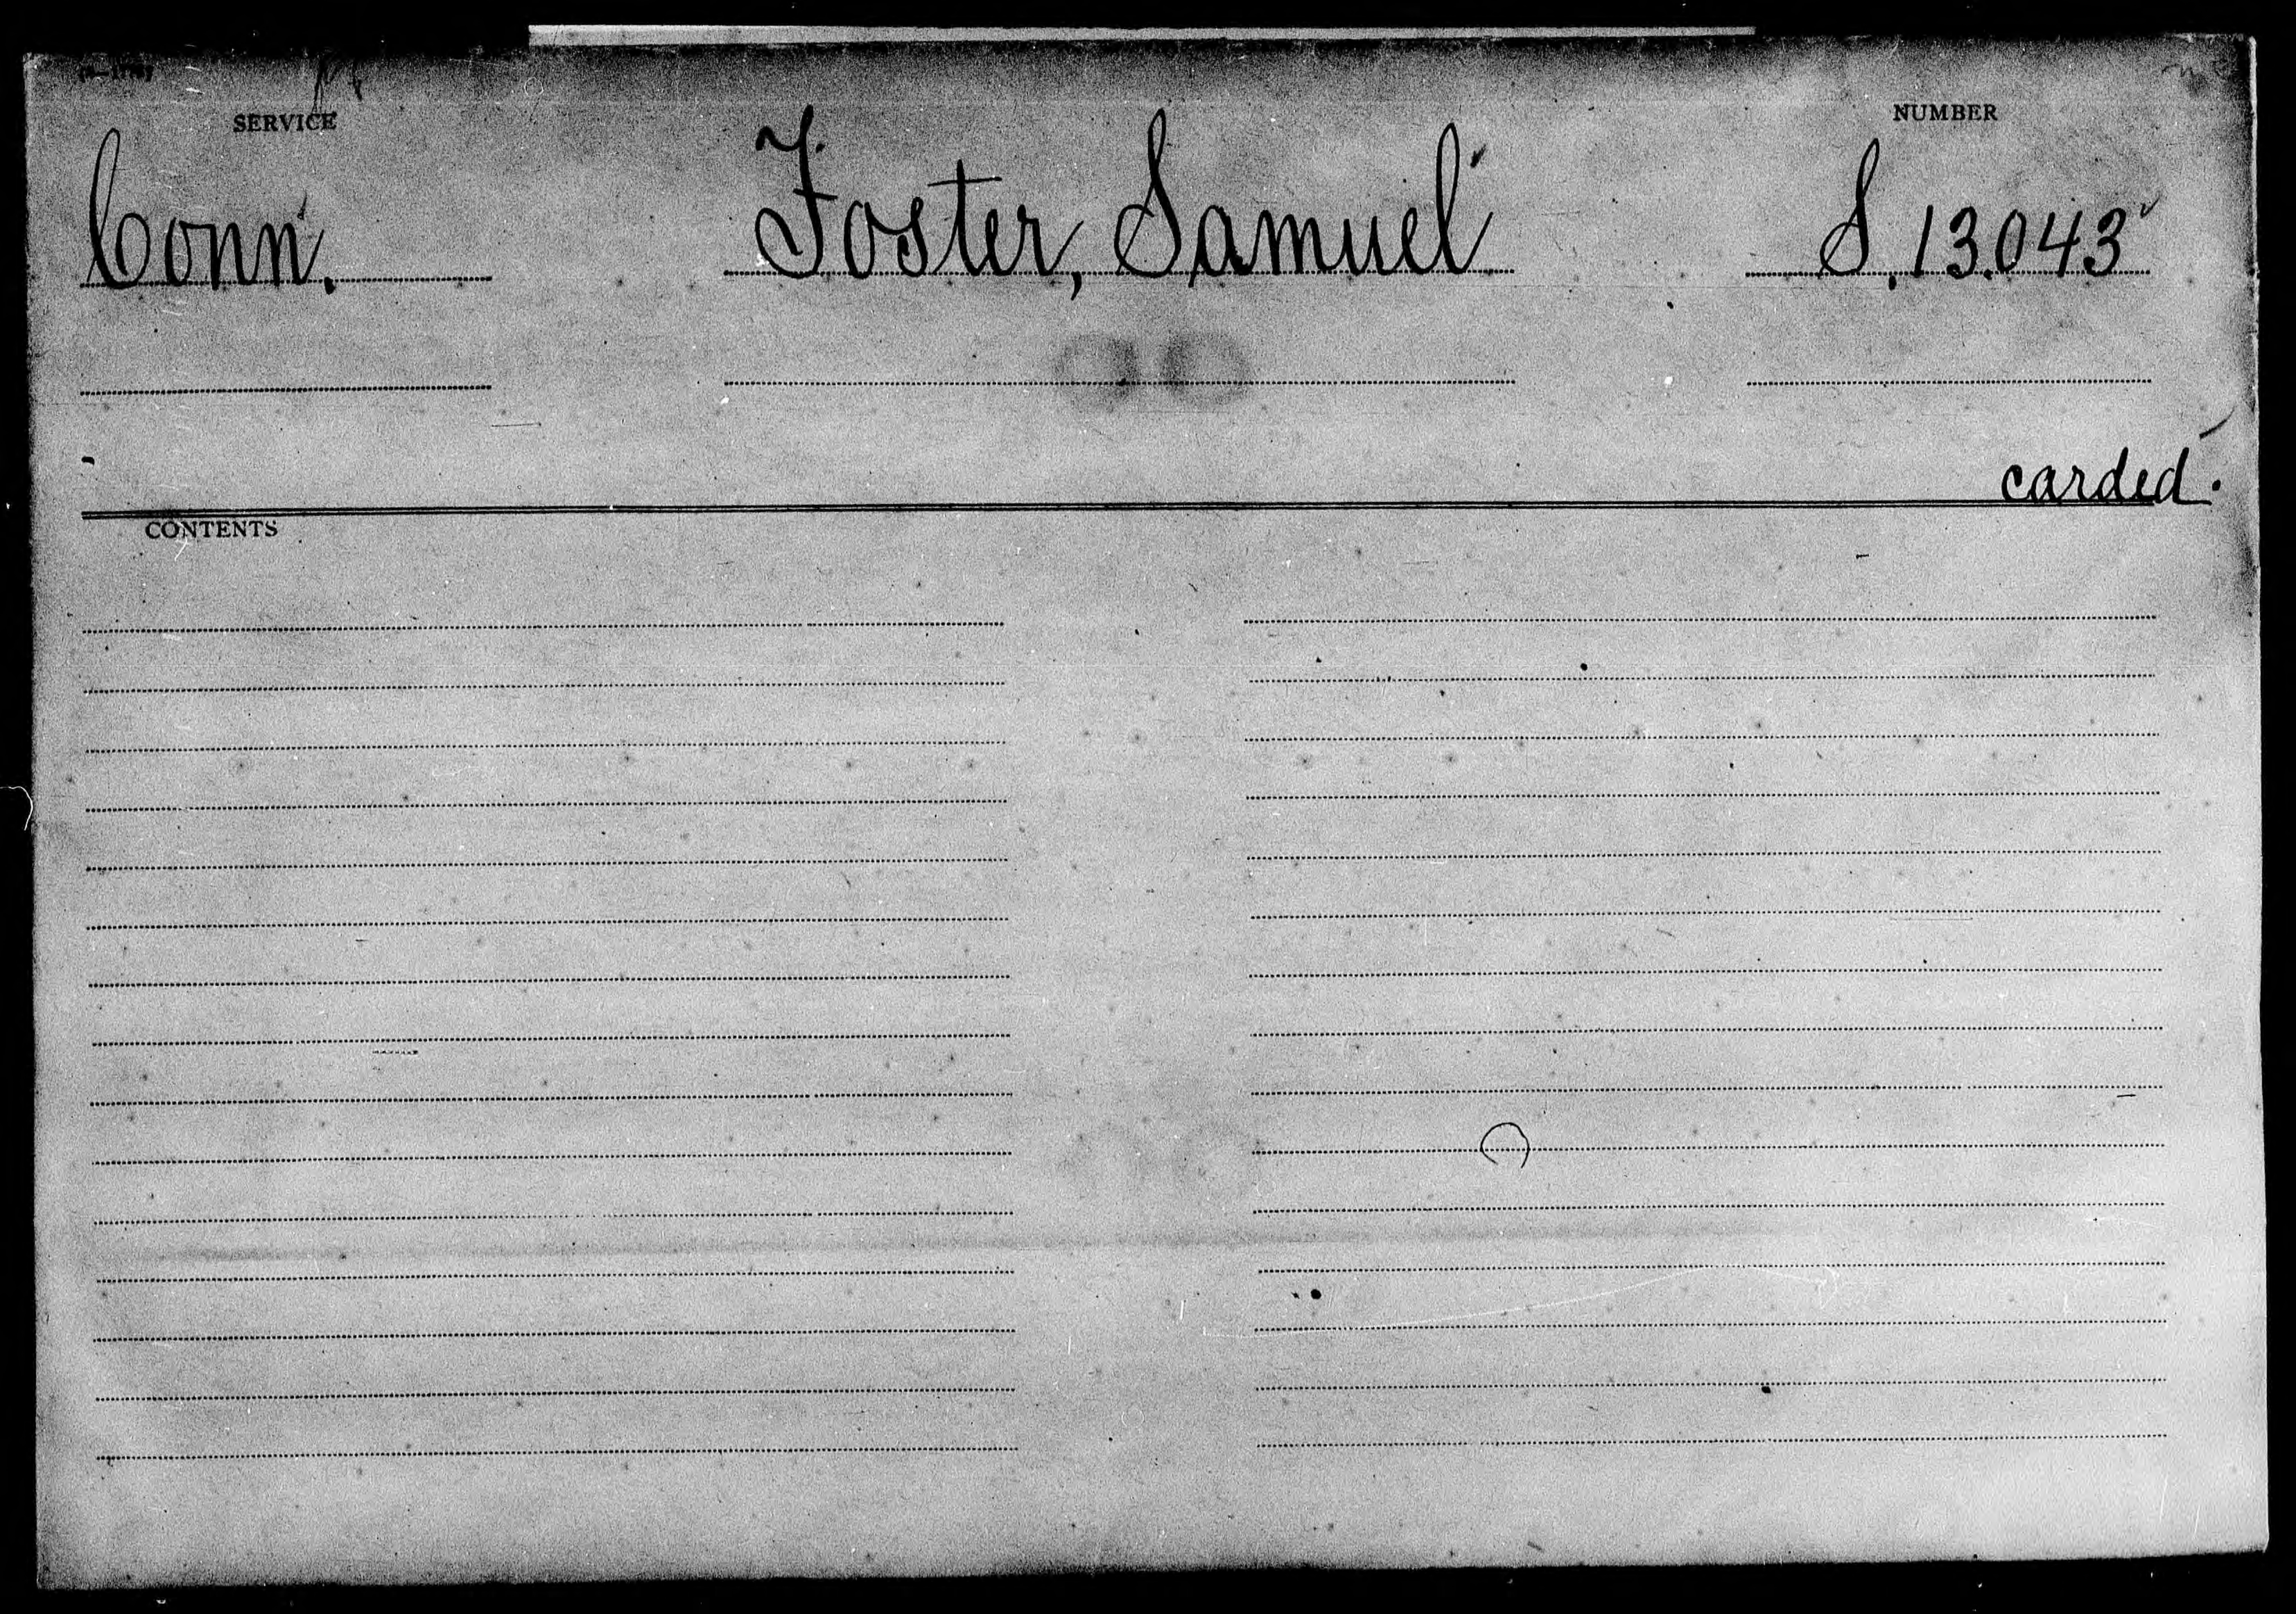[illegible form number]
SERVICE
Conn.
Foster, Samuel
NUMBER
S.13.043
carded.
CONTENTS
[remainder of form is blank]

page: 1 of 54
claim: survivor's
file: S. 13,043, Samuel Foster, Conn.